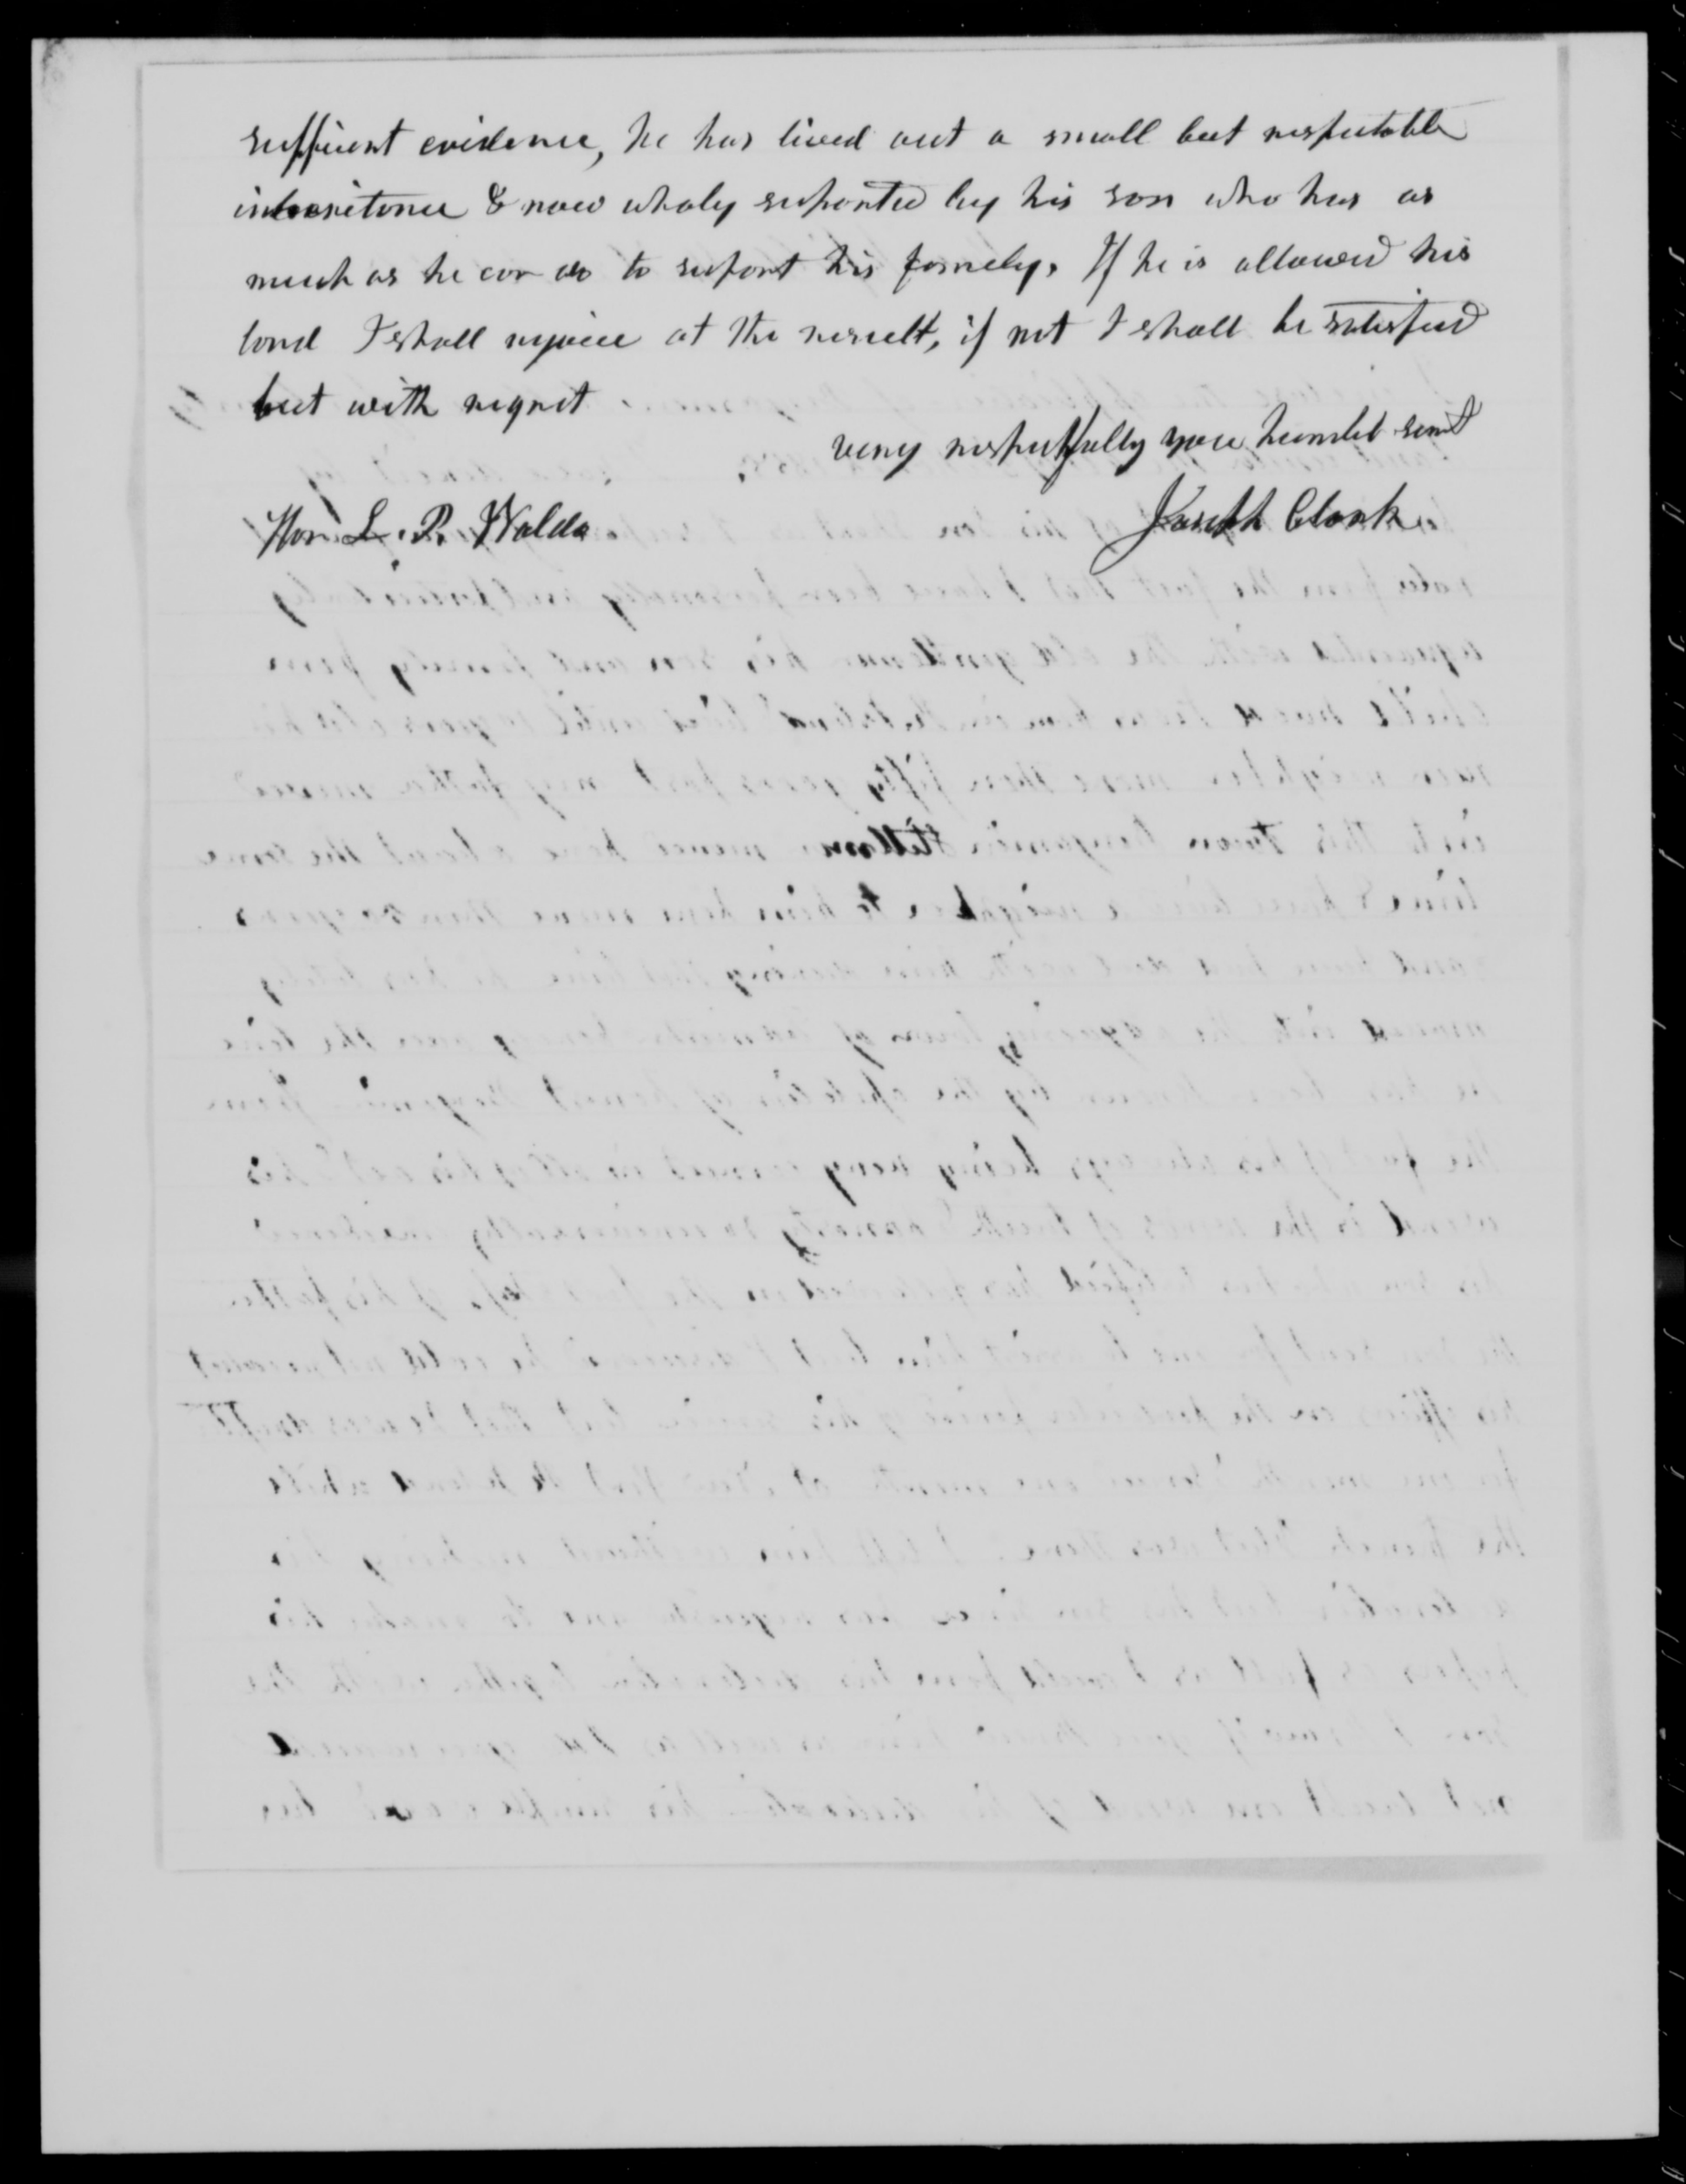sufficient evidence, he has lived out a small but respectable inheritance & now wholy [sic] supported by his son who has as much as he can do to support his family. If he is allowed his bond I shall rejoice at the result, if not I shall be satisfied but with regret
Very Respectfully your humbled servt
Joseph Clark 
Hon L. P. Waldo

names: L P Waldo; Joseph Clark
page: 29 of 29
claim: bounty land warrant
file: B.L.Wt.47987-160-55, for Benjamin Stillman, Rhode Island